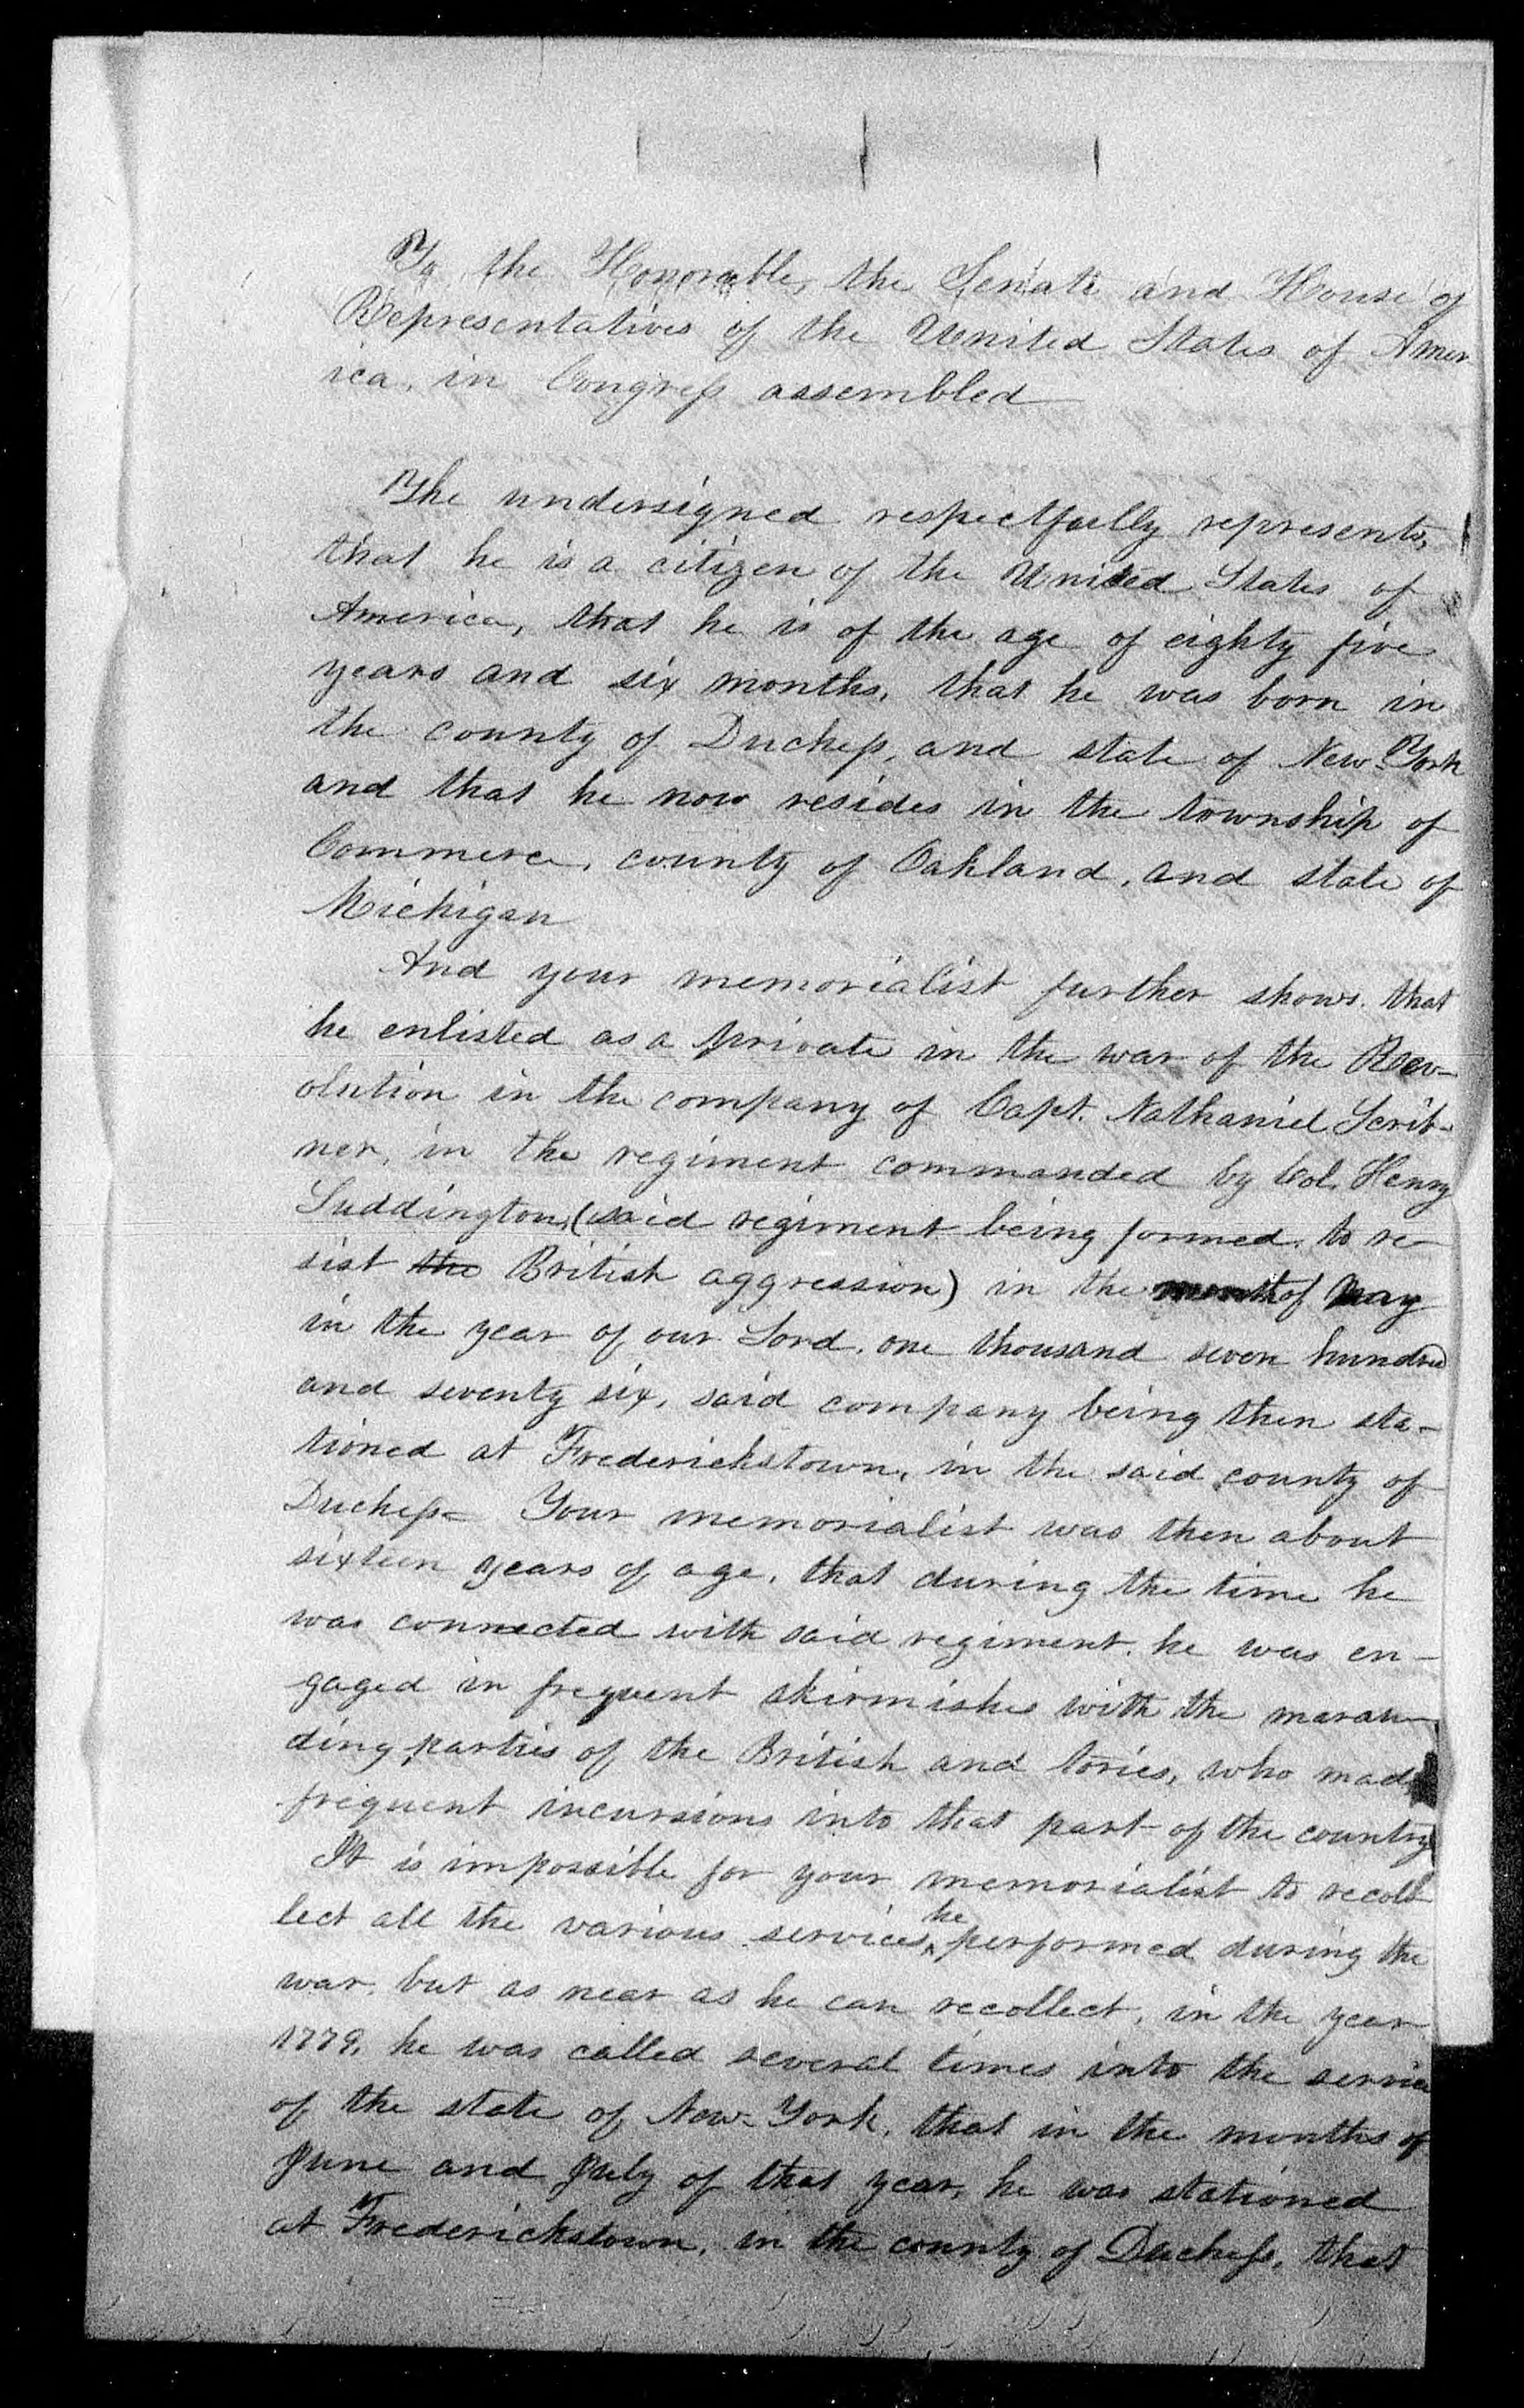To the Honorable, the Senate and House of Representatives of the United States of America in Congress assembled

The undersigned respectfully represents that he is a citizen of the United States of America, that he is of the age of eighty five and six months, that he was born in the county of Dutchess and state of New York and that he now resides in the township of Commerce, county of Oakland and state of Michigan

And your memorialist further shows that he enlisted in the company of Capt Nathaniel Scribner in the regiment commanded by Col Luddington (said regiment being formed to resist British aggression) in the month of May in the year of our Lord, one thousand seven hundred and seventy six, said company being then stationed at Frederickstown, in the said county of Dutchess  Your memorialist was then about sixteen years of age, that during the time he was connected with said regiment he was engaged in frequent skirmishes with the marauding parties of the British and tories, who made frequent incursions into that part of the country.

It is impossible for your memorialist to recollect all the various service he performed during the war. but as near as he can recollect in the year 1779. He was called several times into the service of the state of New York. that in the months of June and July of that year, he was stationed at Frederickstown, in the county of Dutchess that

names: Henry Luddington, Nathaniel Scribner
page: 14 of 66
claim: rejected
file: R. 4298, Samuel Gregory, New York